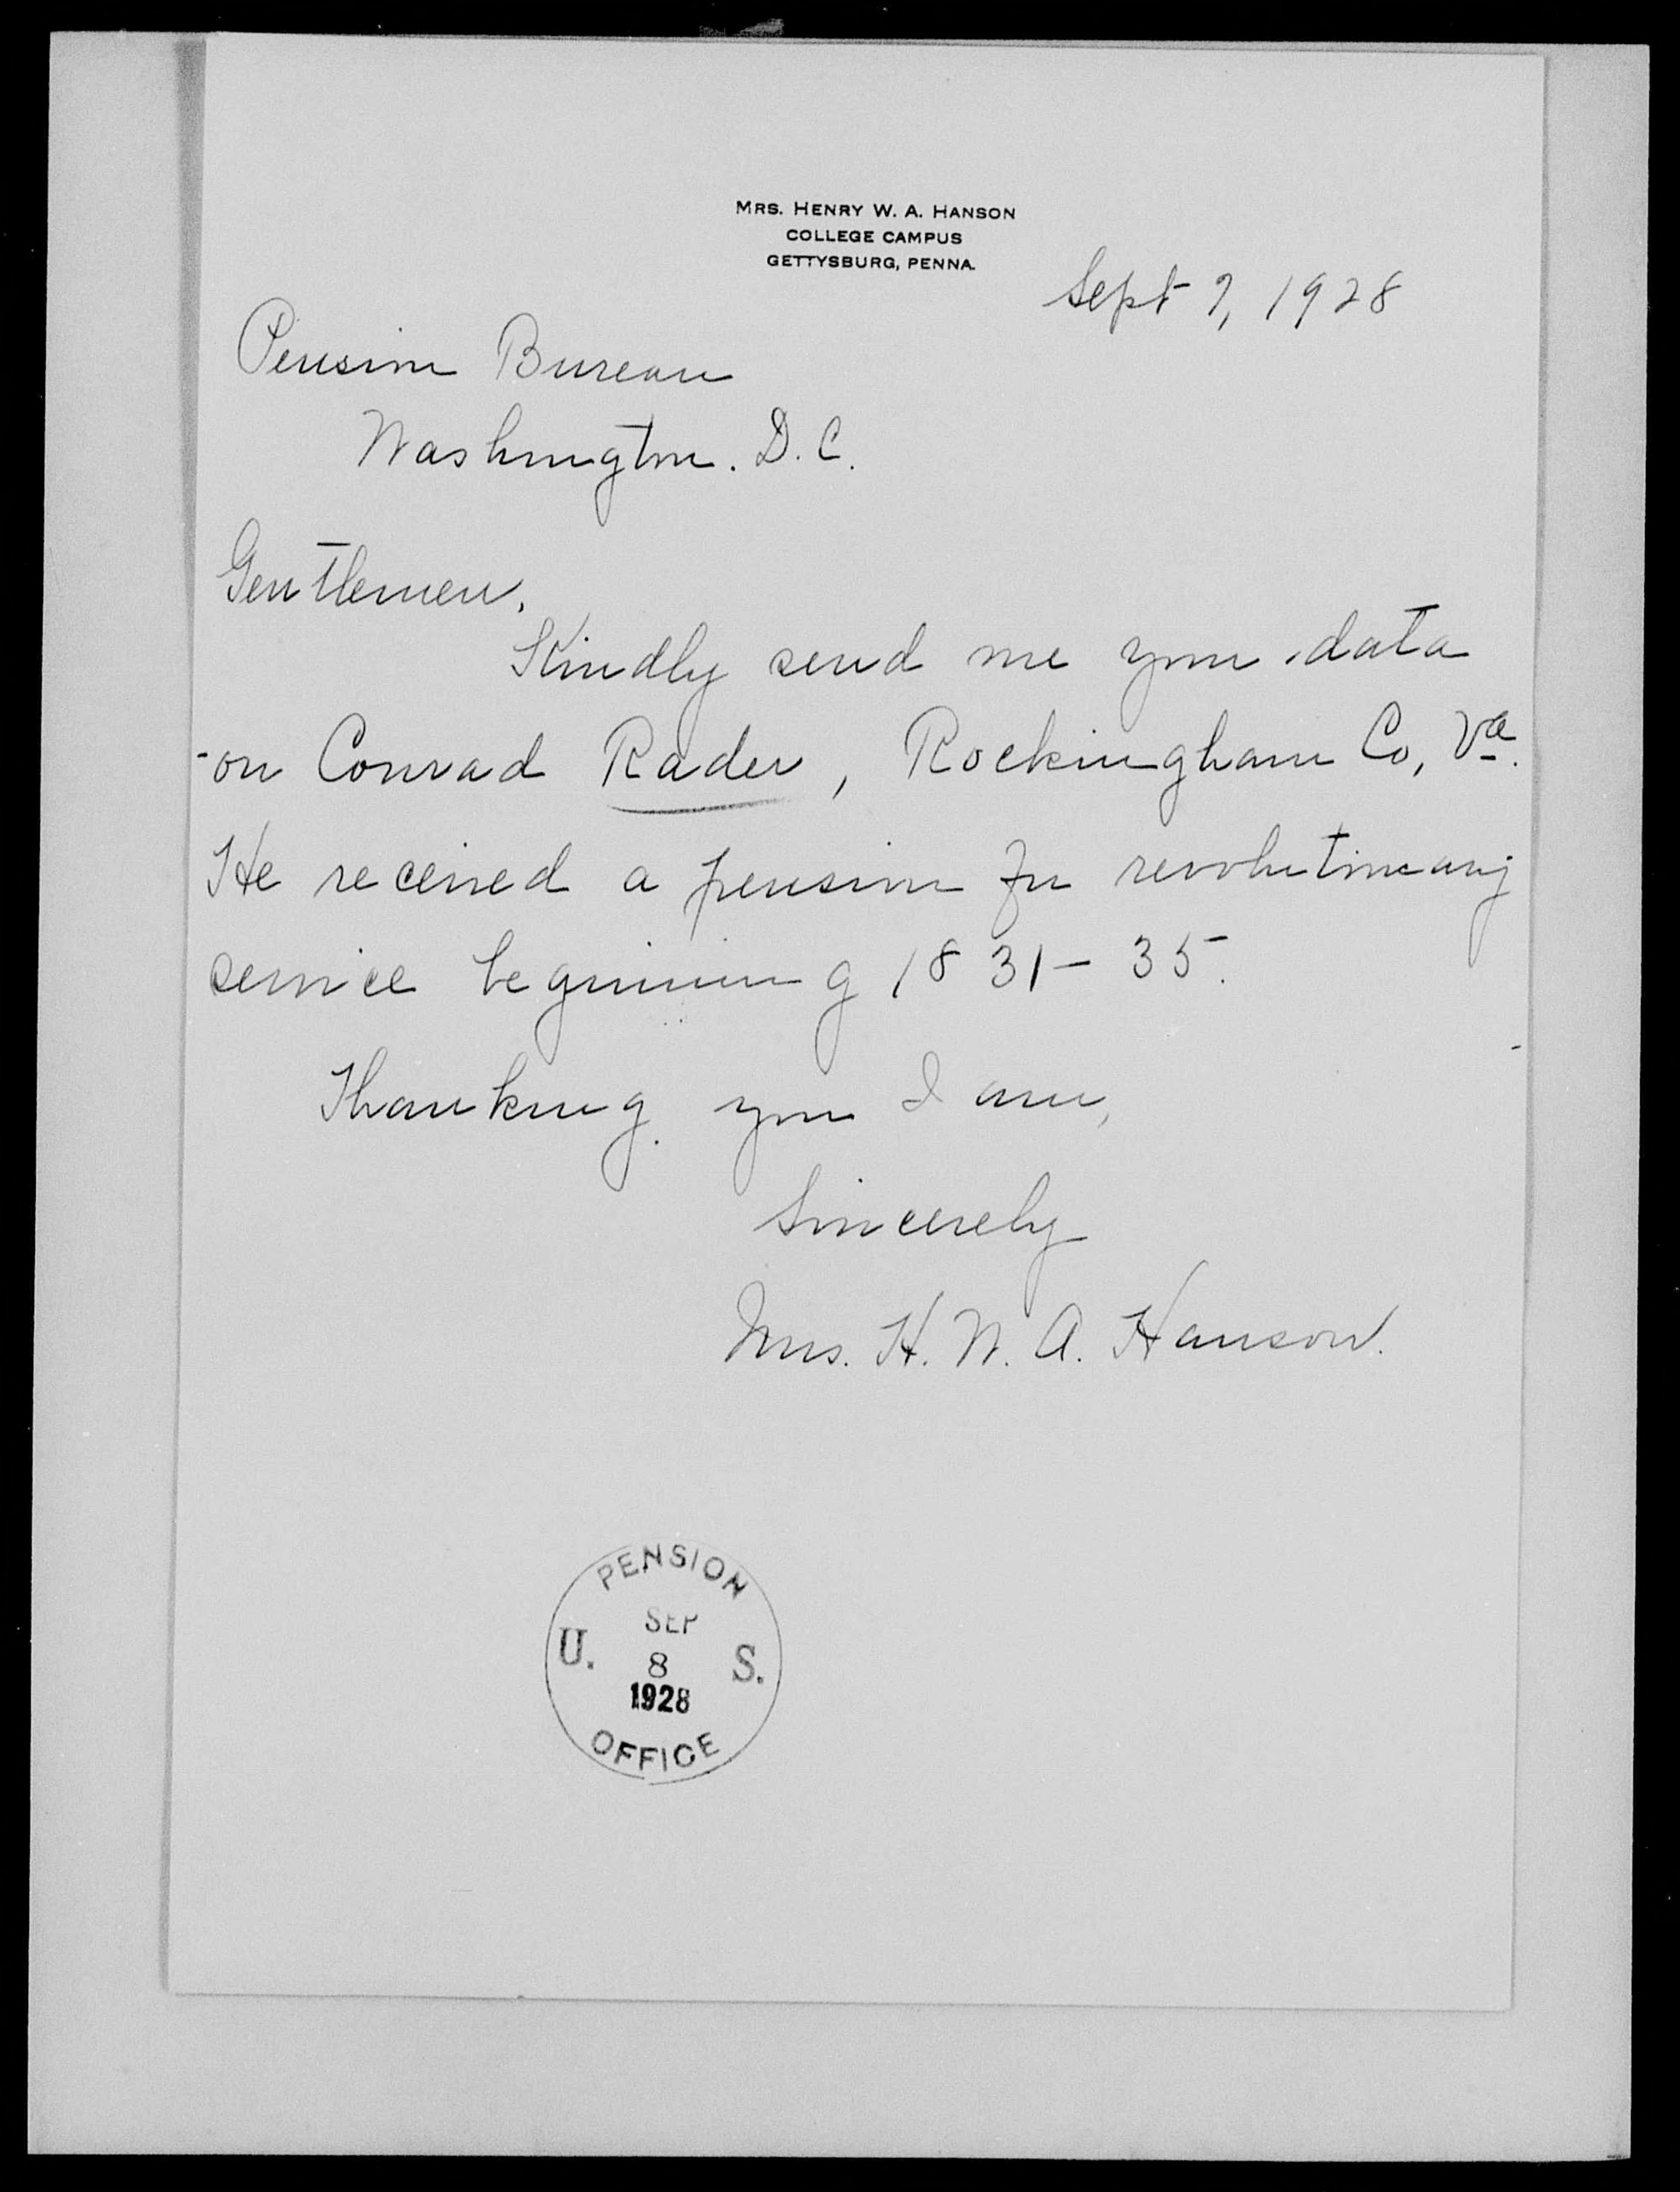MRS. HENRY W. A. HANSON
COLLEGE CAMPUS
GETTYSBURG, PENNA.
Sept 7, 1928
Pension Bureau
Washington. D.C.
Gentlemen,
Kindly send me your data on Conrad Rader, Rockingham Co, Va.
He received a pension for revolutionary
service beginning 1831-35.
Thanking you I am
Sincerely
Mrs. H.W. A. Hanson
PENSION
US
Sep 
8 
1928
Office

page: 7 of 7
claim: survivor's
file: S 5973, for Conrad Rader, Virginia